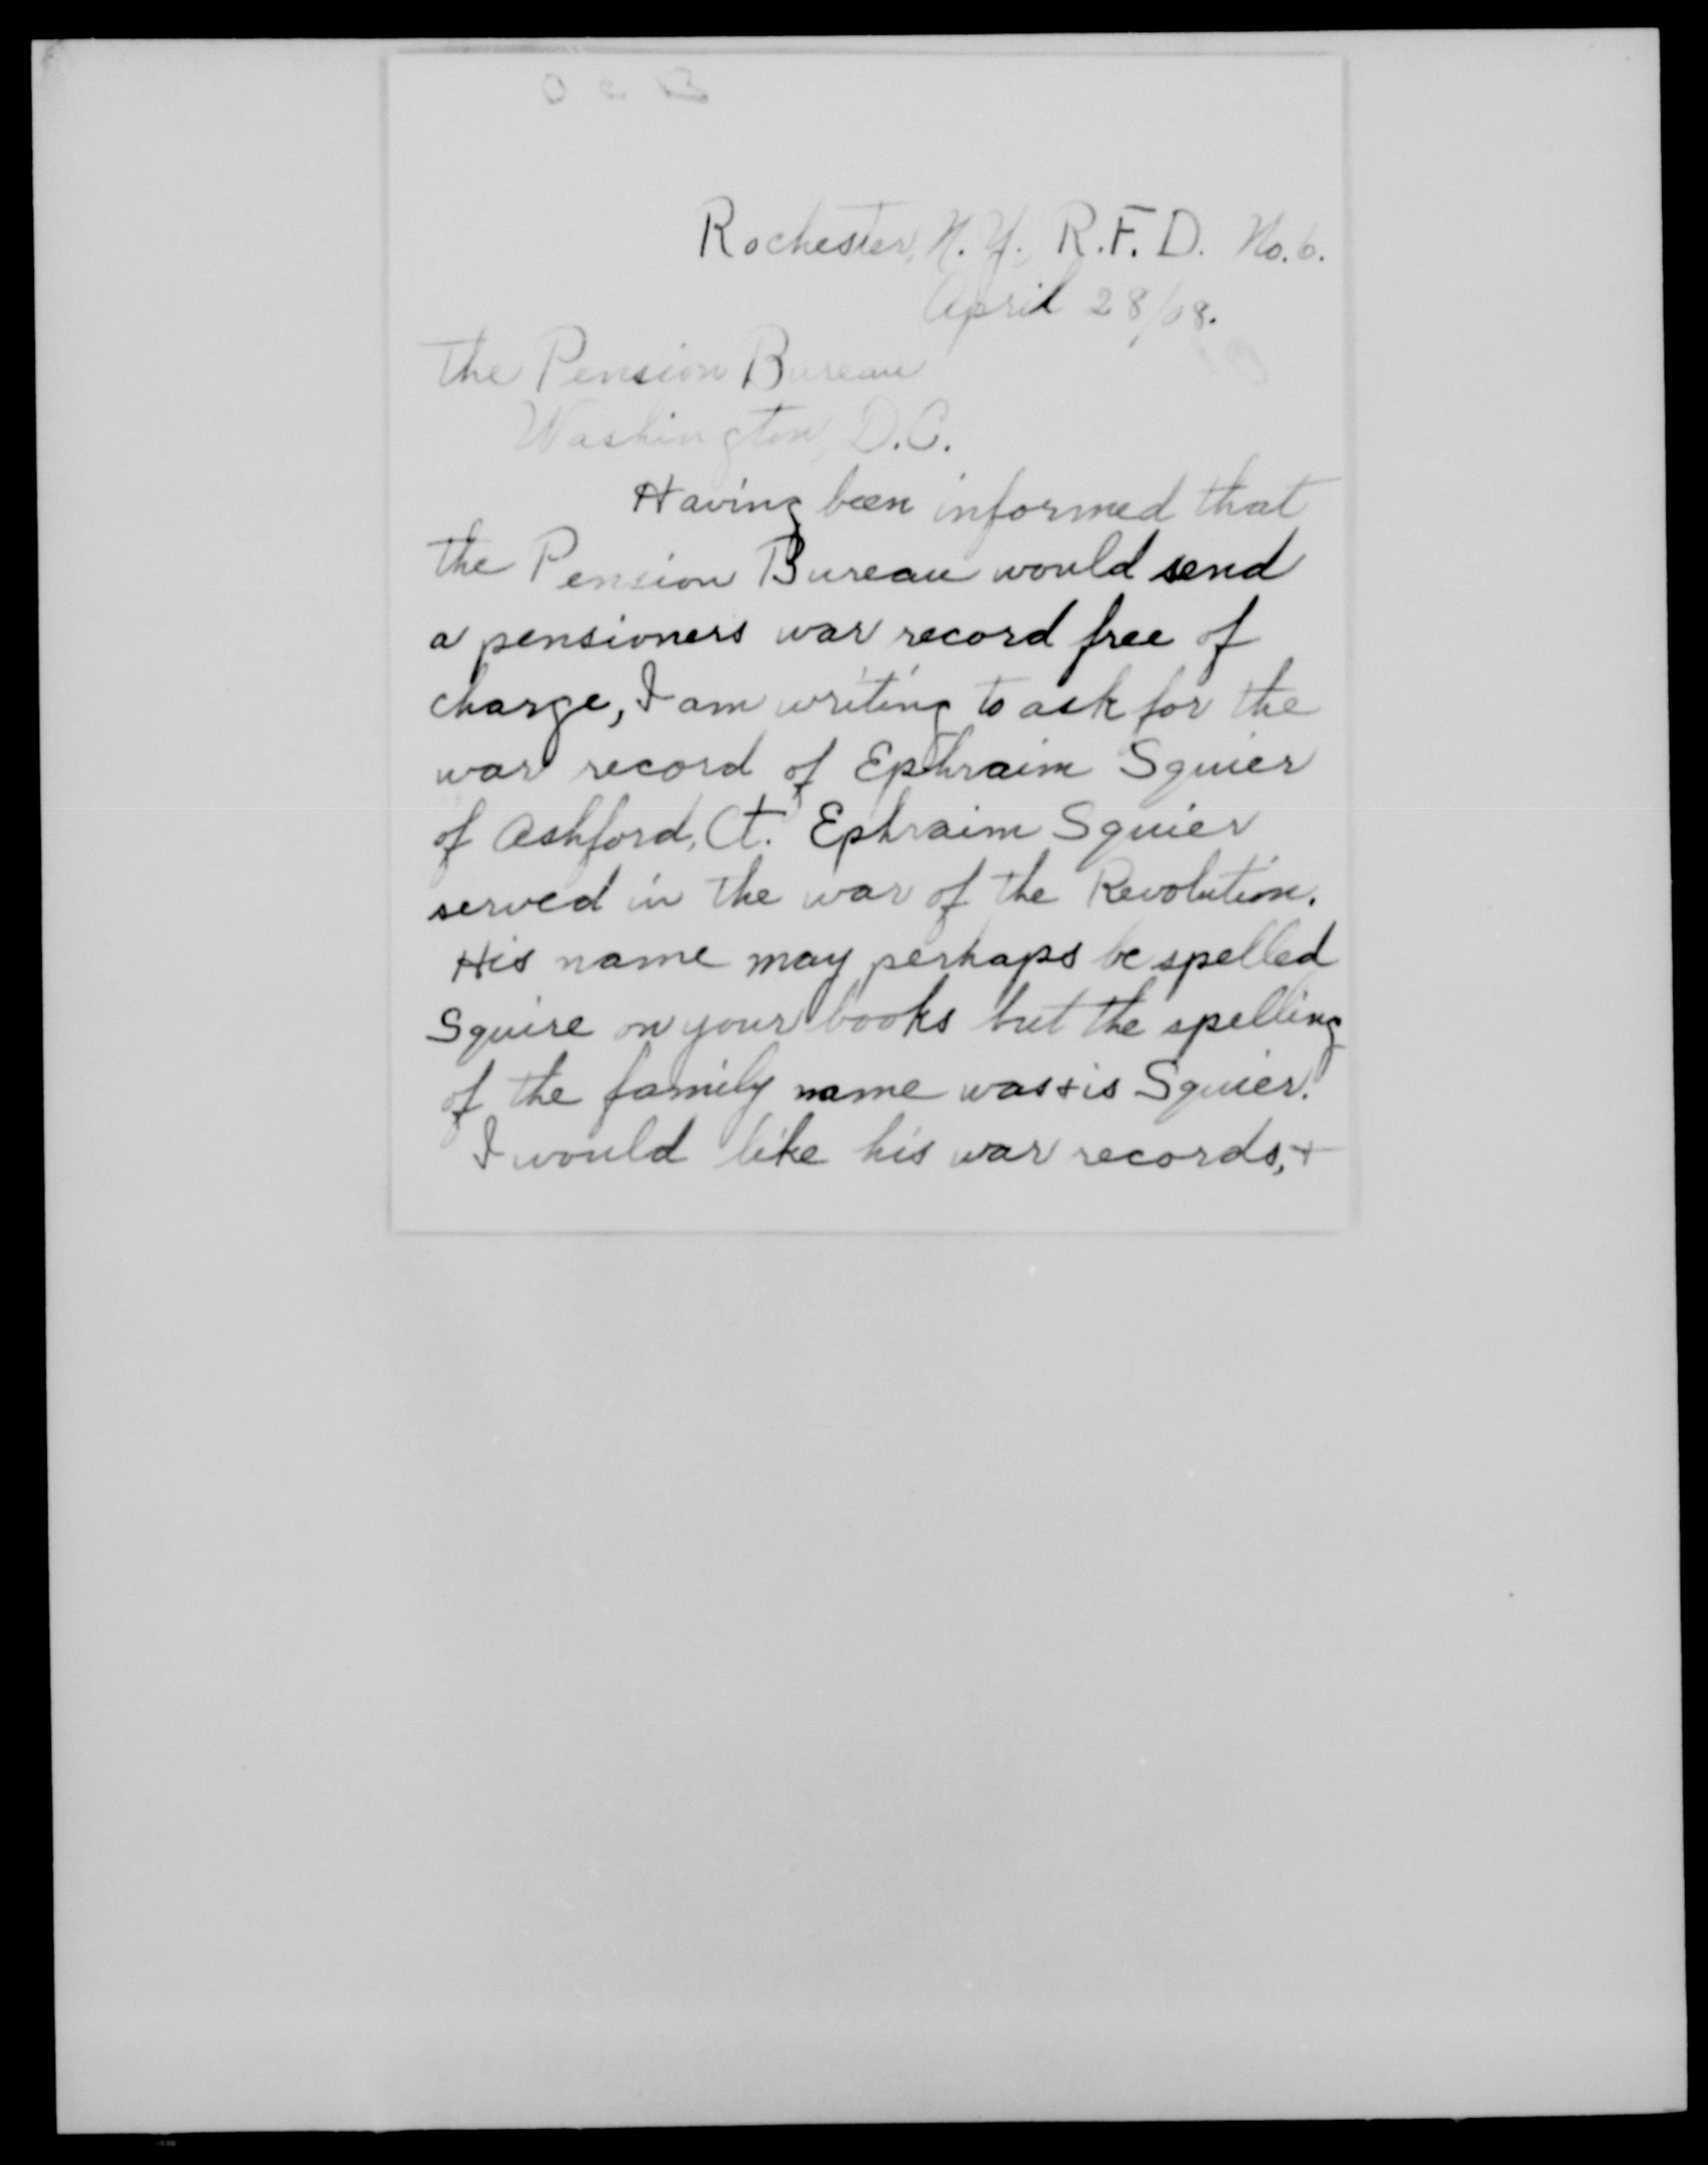OCB

Rochester, N.Y. R.F.D.  No. 6
April 28/08.

The Pension Bureau
Washington D.C.

Having been informed that the Pension Bureau would send a pensioners war record free of charge, I am writing to ask for the war record of Ephraim Squier of Ashford, Ct. Ephraim Squier served in the war of the Revolution. 
His name may perhaps be spelled Squire on your books but the spelling of the family name was & is Squier. I would like his war records, &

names: [BLANK] Squire; Ephraim Squier; Ephraim Squier; [BLANK] Squier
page: 36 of 70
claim: rejected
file: R. 10,026, for Ephraim Squier, Connecticut